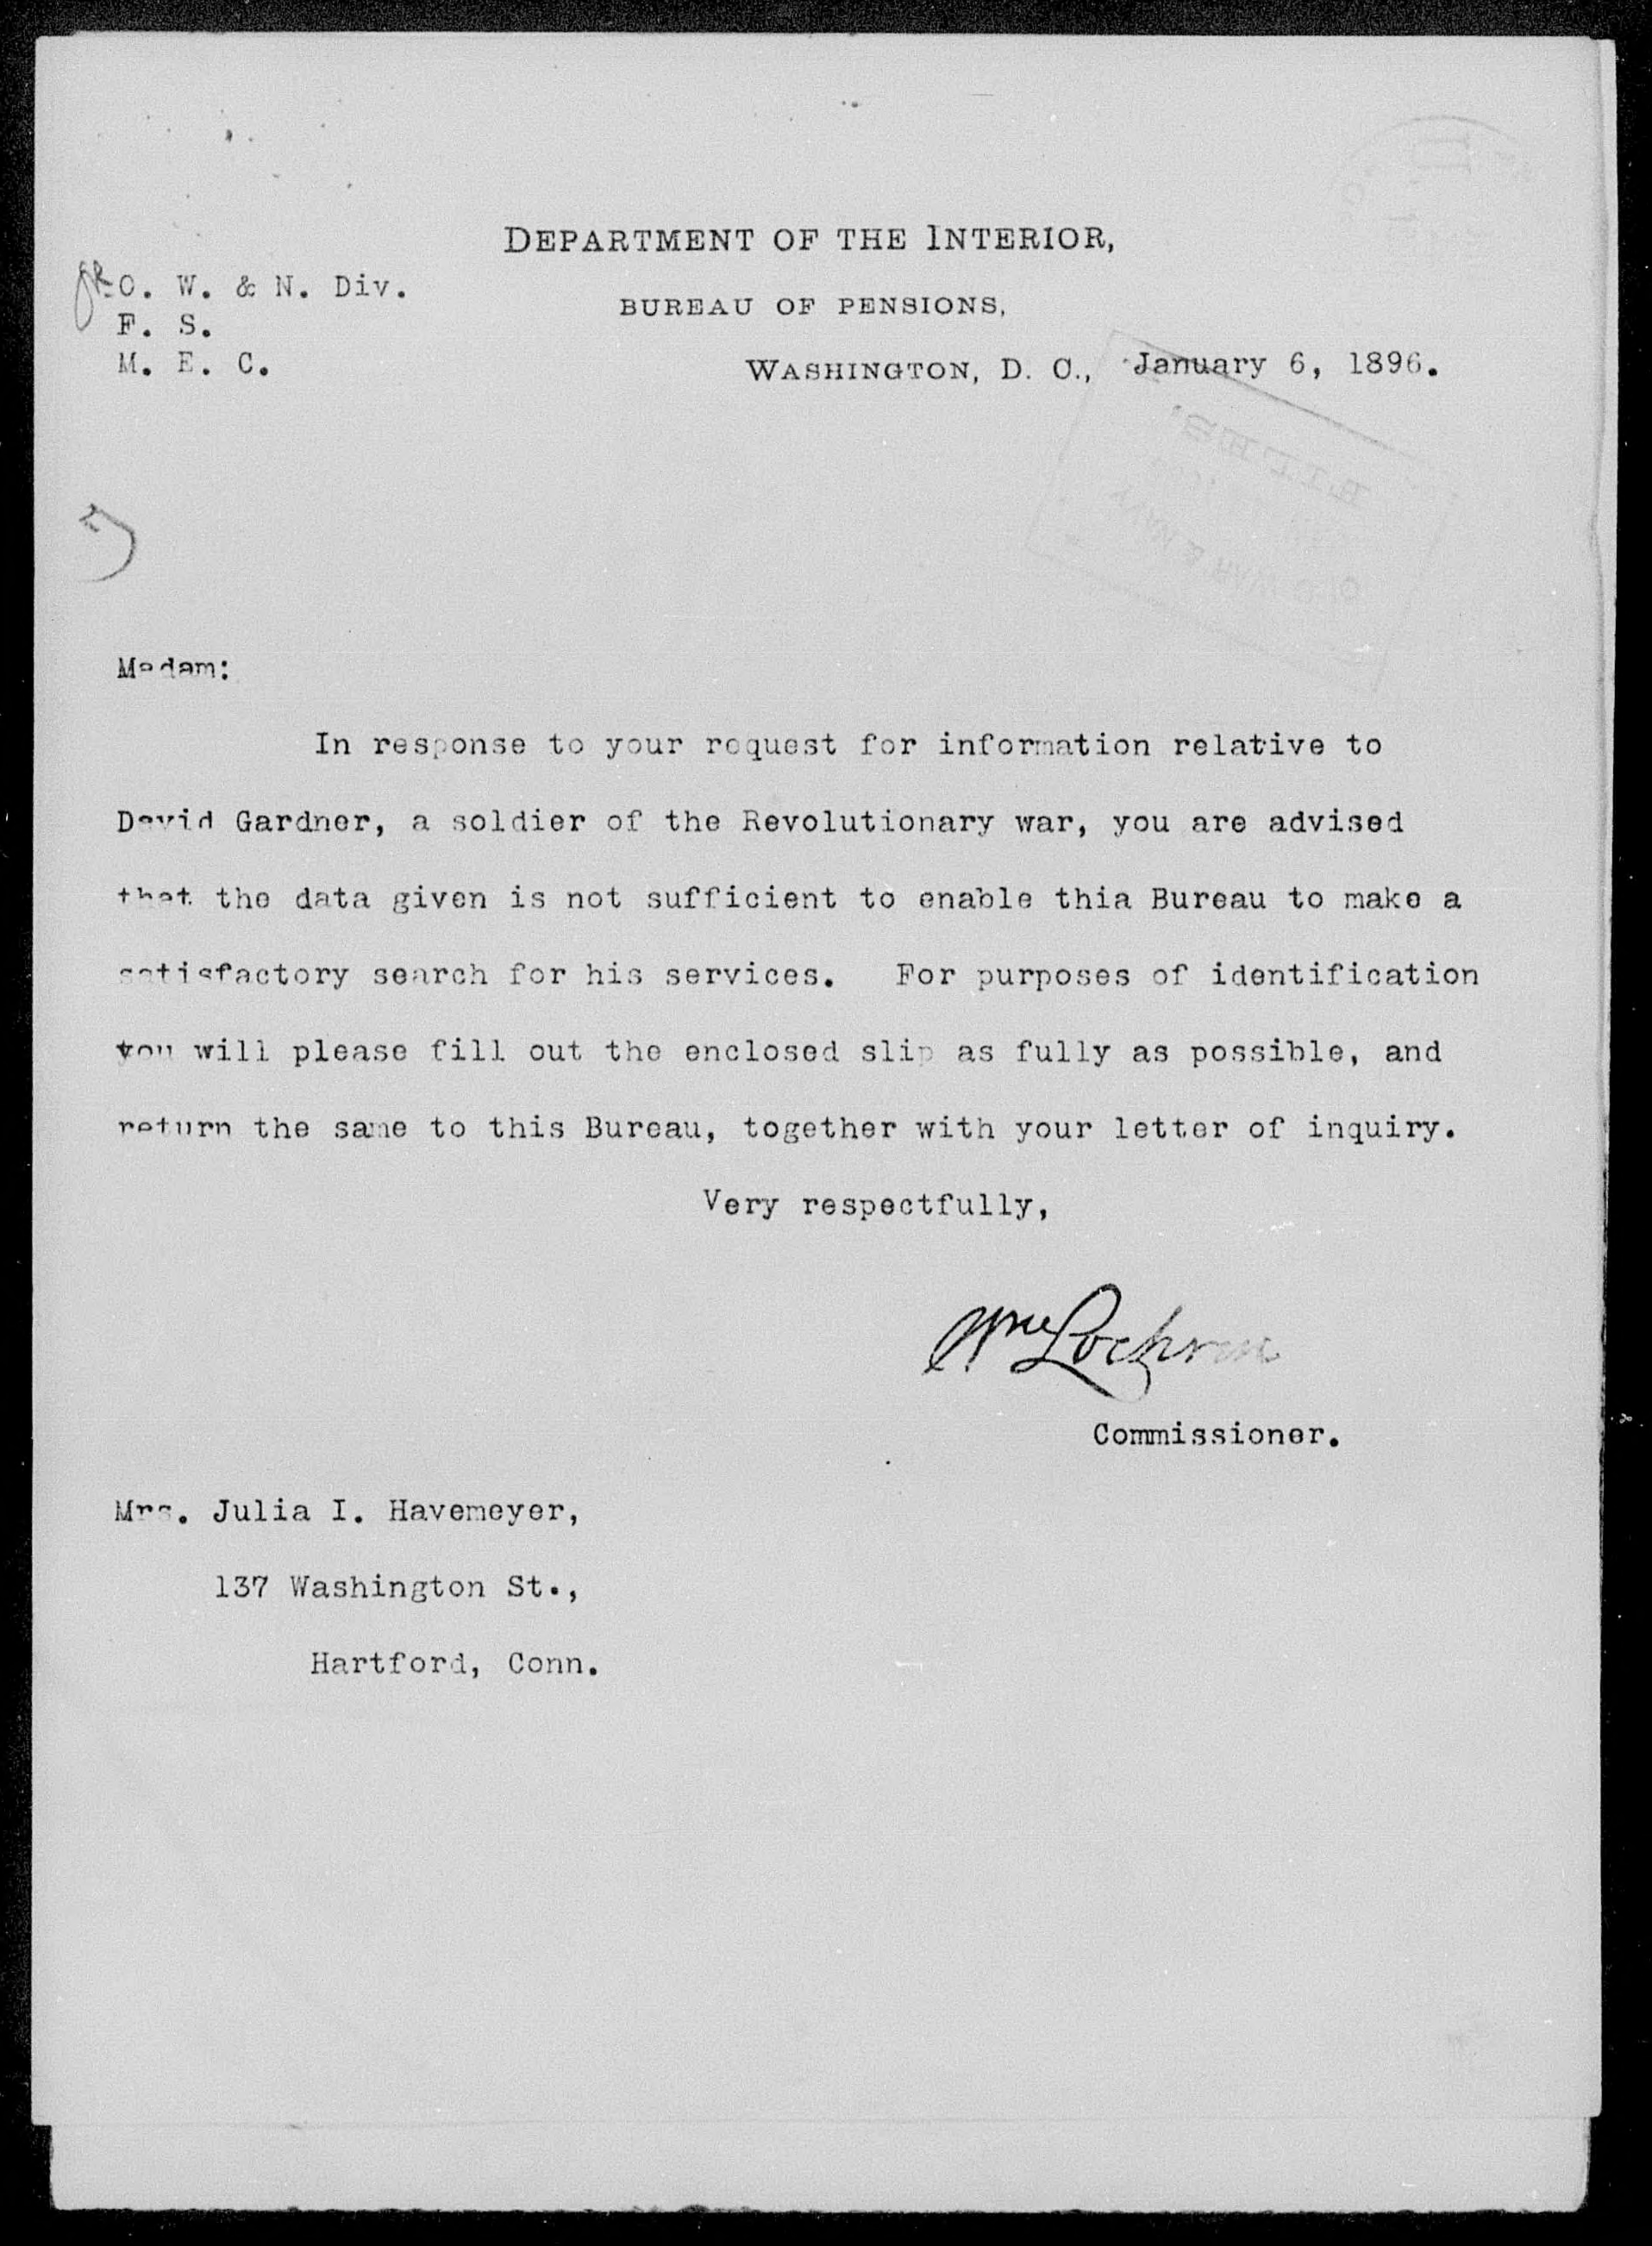[Typed Document]
[added by hand "JR"] O. W. & N. Div.
F. S.
M. E. C.
DEPARTMENT OF THE INTERIOR,
BUREAU OF PENSIONS.
WASHINGTON, D. C., January 6, 1896.

[Ink Stamp] 
OLD WAR & NAVY FILES
JAN 5 1896

Madam:
In response to your request for information relative to
David Gardner, a soldier of the Revolutionary war, you are advised
that the data given is not sufficient to enable thia Bureau to make a
satisfactory search for his services. For purposes of identification
you will please fill out the enclosed slip as fully as possible, and
return the same to this Bureau, together with your letter of inquiry.
Very respectfully,
[signature added by hand] Wm Lockren
Commissioner.
Mrs. Julia I. Havemeyer,
137 Washington St.,
Hartford, Conn.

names: Julia I Havemeyer, Wm Lockren, David Gardner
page: 43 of 66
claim: widow's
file: W 1850, David Gardner, Conn.